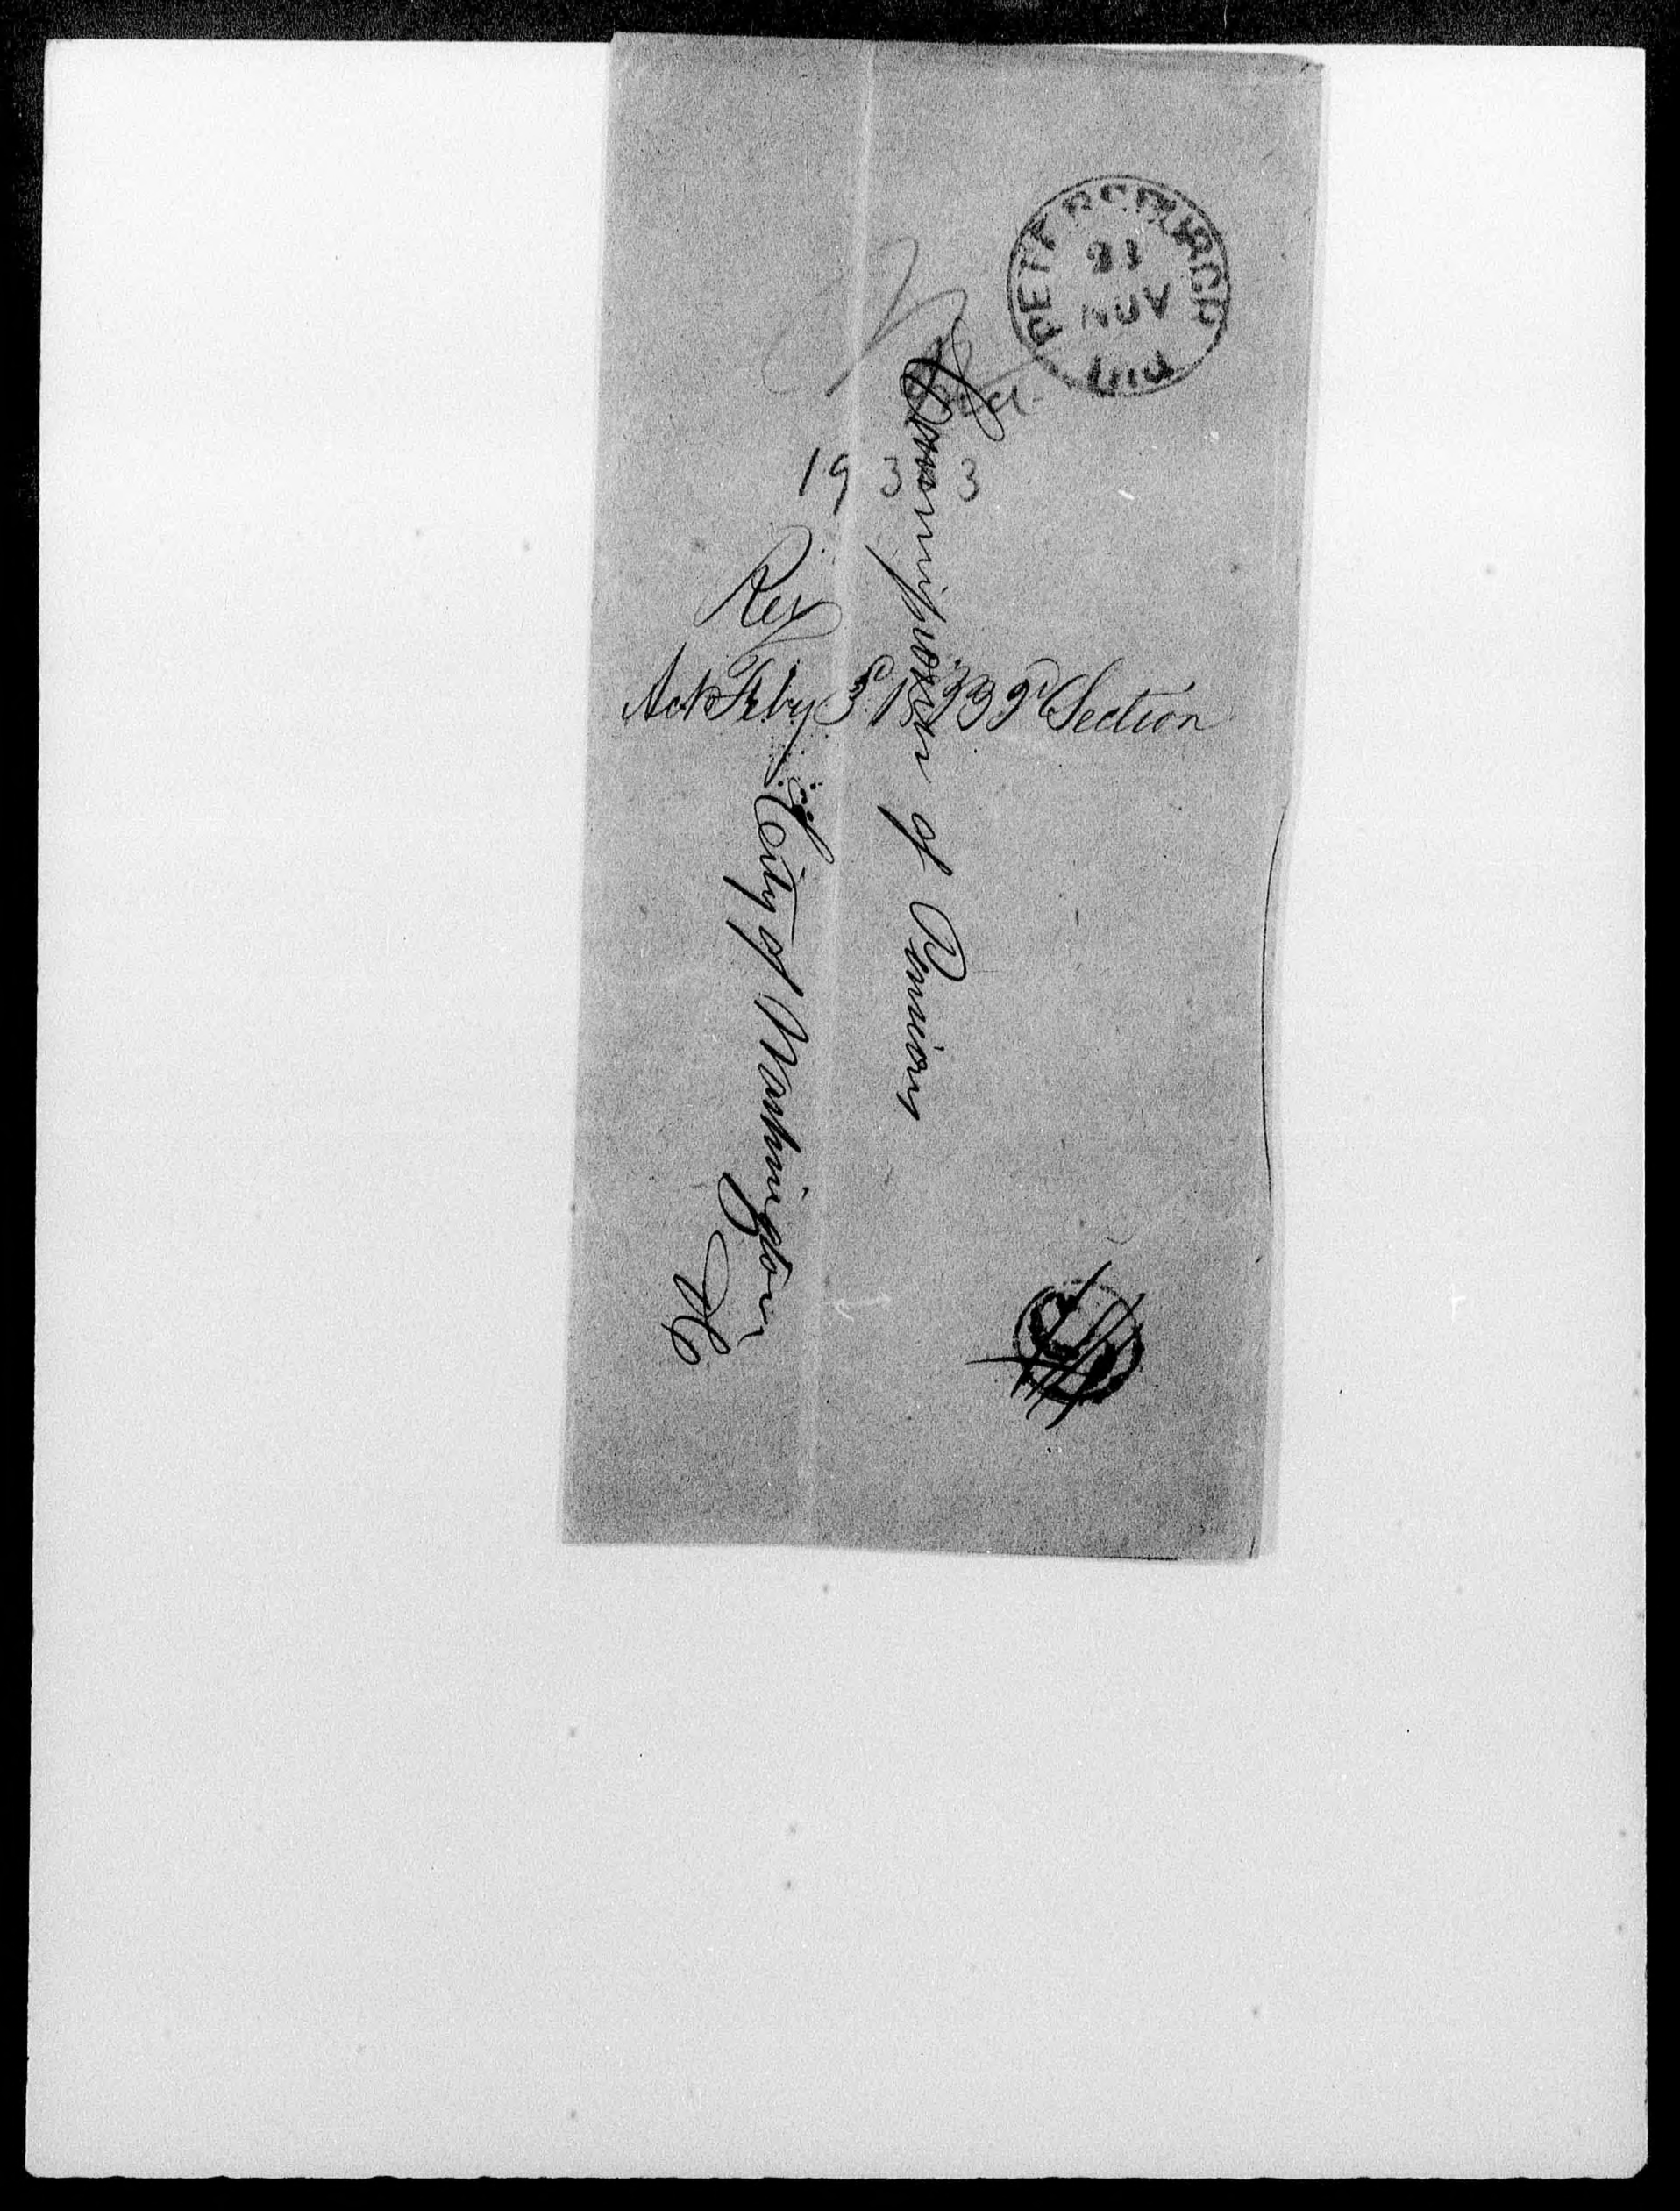Circular stamp reads: Petersburgh IND 23 Nov

Addressed to:
Commissioner of Pensions
City of Washington D C

Rev
Act of Feby 1833 Section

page: 39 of 49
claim: widow's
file: W. 2518, James Brenton, Va.